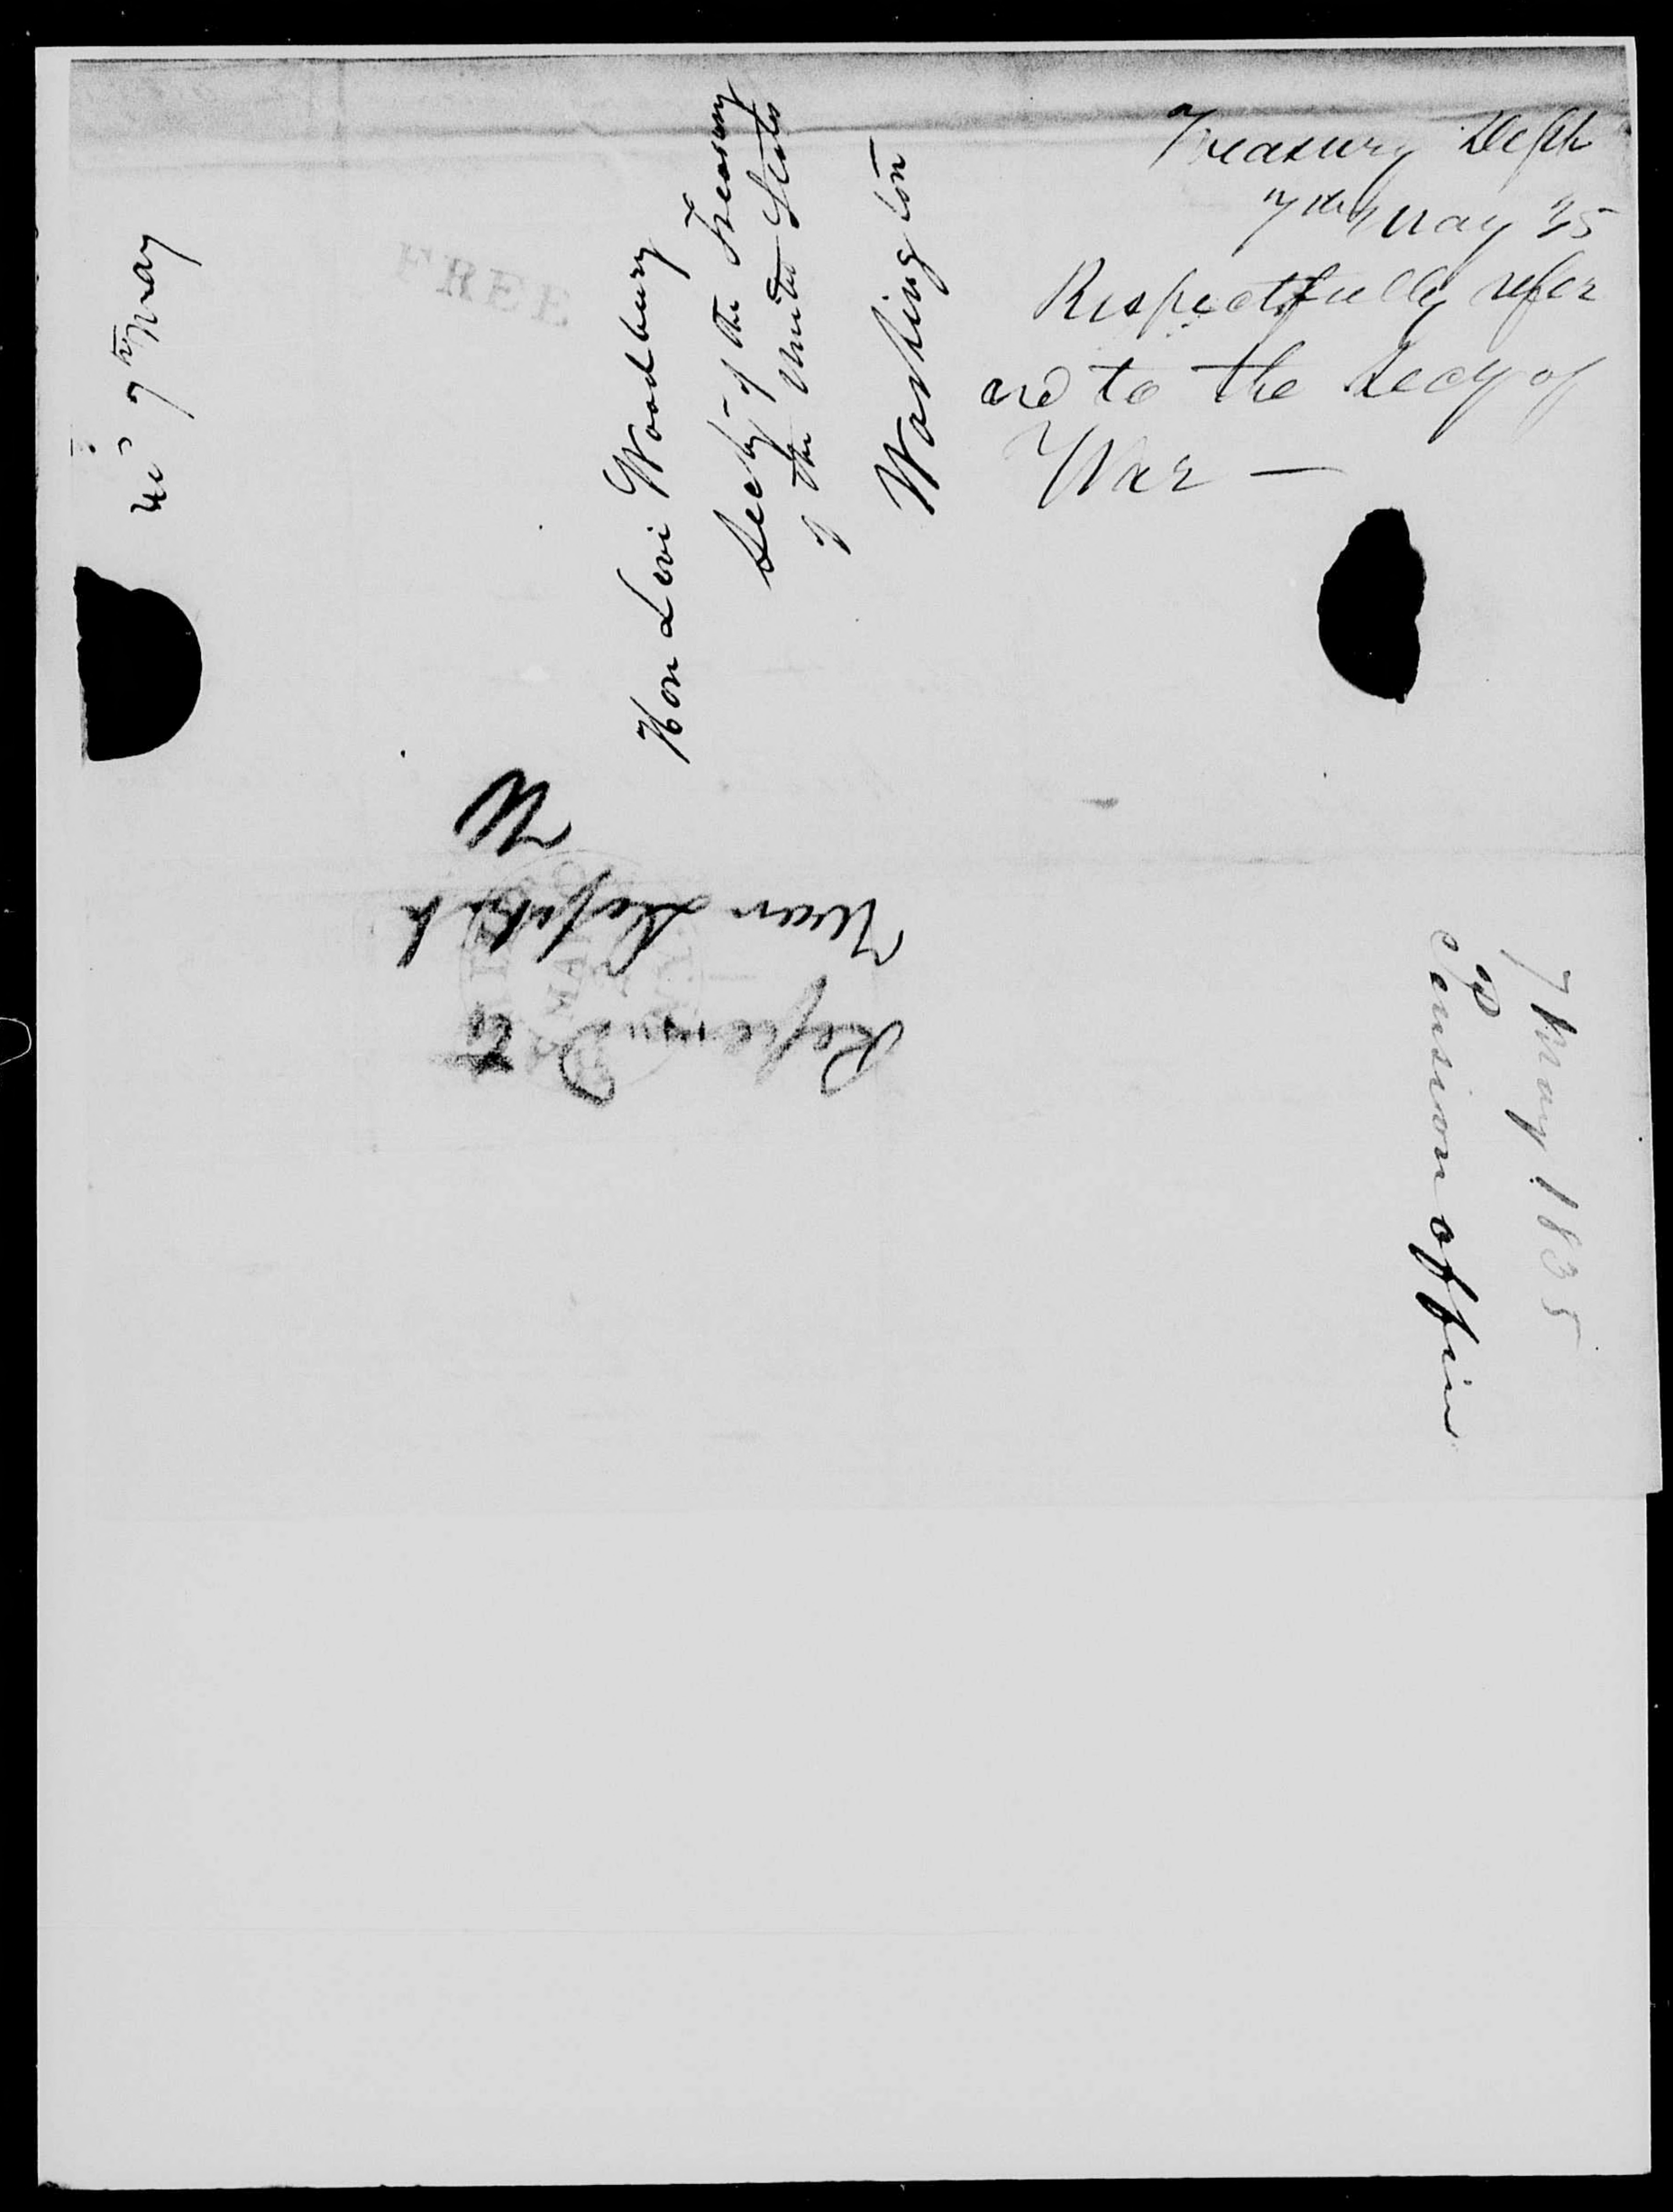Treasury Dept.
7th May 35
Respectfully refer and to the Secy of War

Hon Levi Woodbury
Sec'y of the Treasury of the United States
Washington

Referenced to War Depart. 

7 May 1835
Pension office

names: Levi Woodburg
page: 27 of 37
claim: widow's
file: W. 20,787, Daniel Brown, Conn. Navy.